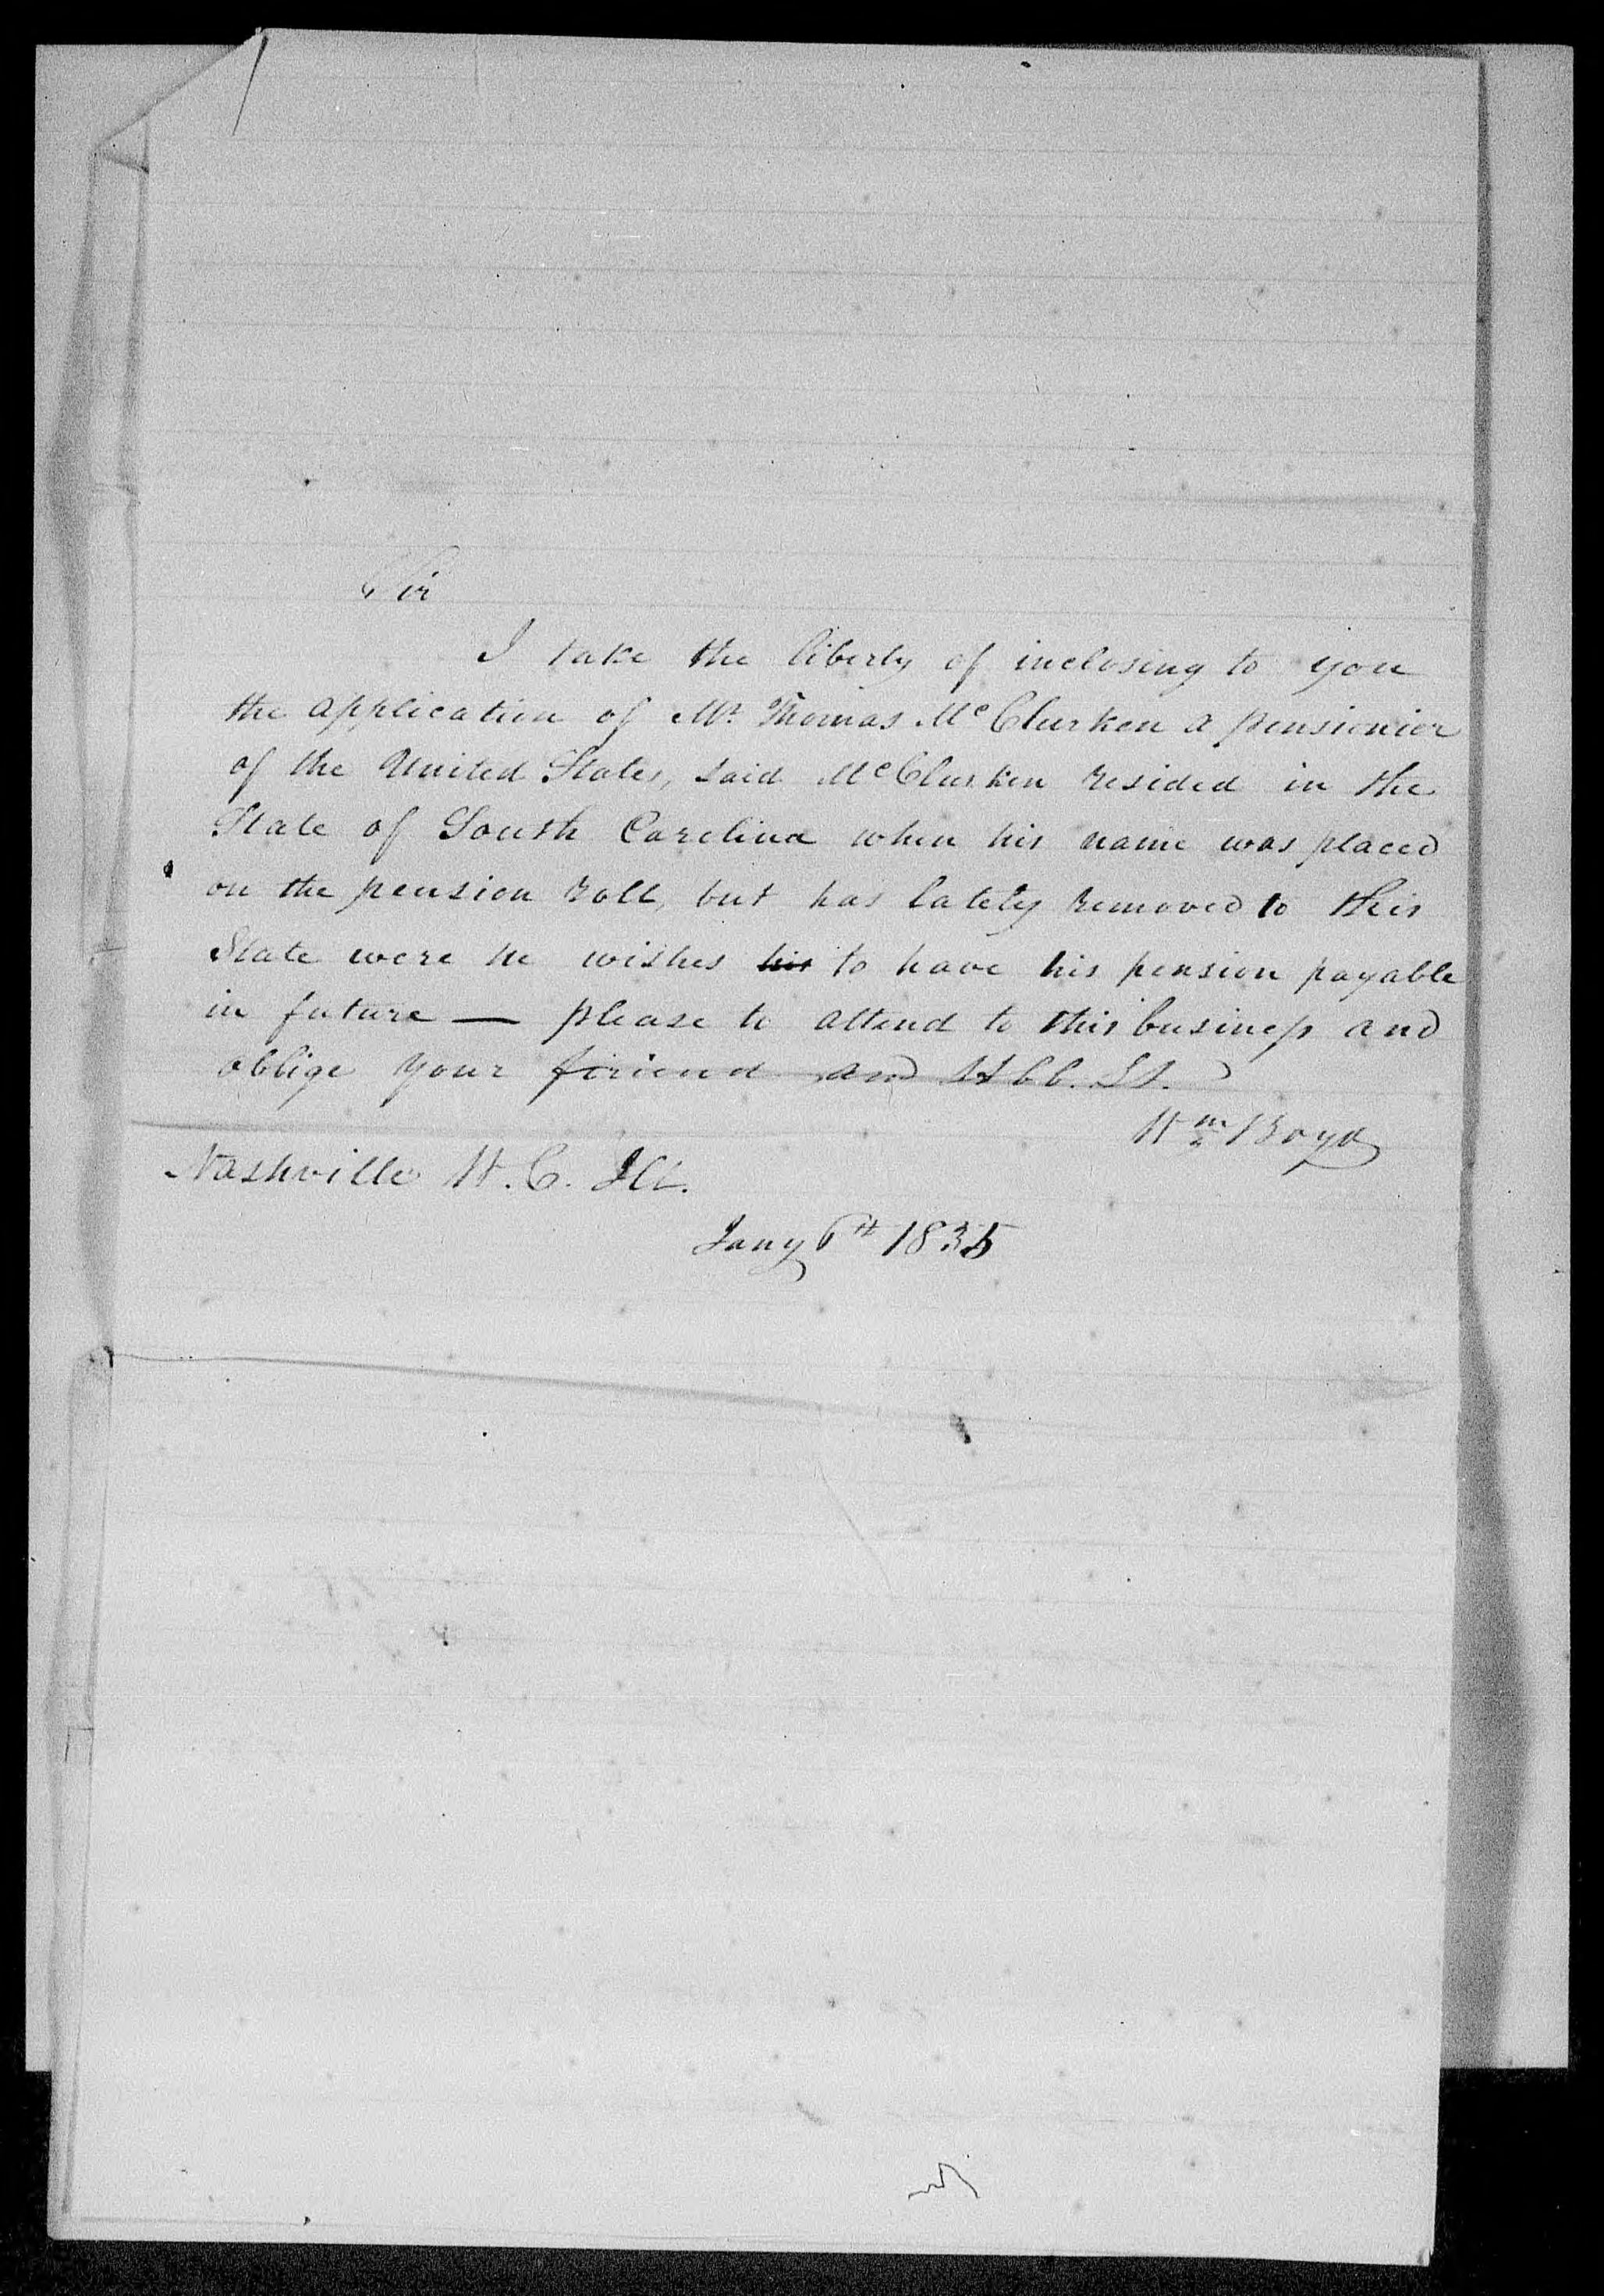Sir

I take the liberty of inclosing to you
 the application of Mr Thomas McClurken a pensioner 
of the United States, said McClurken resided in the State of South Carolina when his name was placed 
on the pension roll, but has lately removed to this 
State were he wishes his to have his pension payable in future. please to attend to this business and 
oblige your friend and H. S.  
Wm Boyd
Nashville H. C. Ill.
 
Jany 6th 1835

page: 70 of 93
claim: widow's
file: W. 21792, for Thomas Mc Clurken, South Carolina